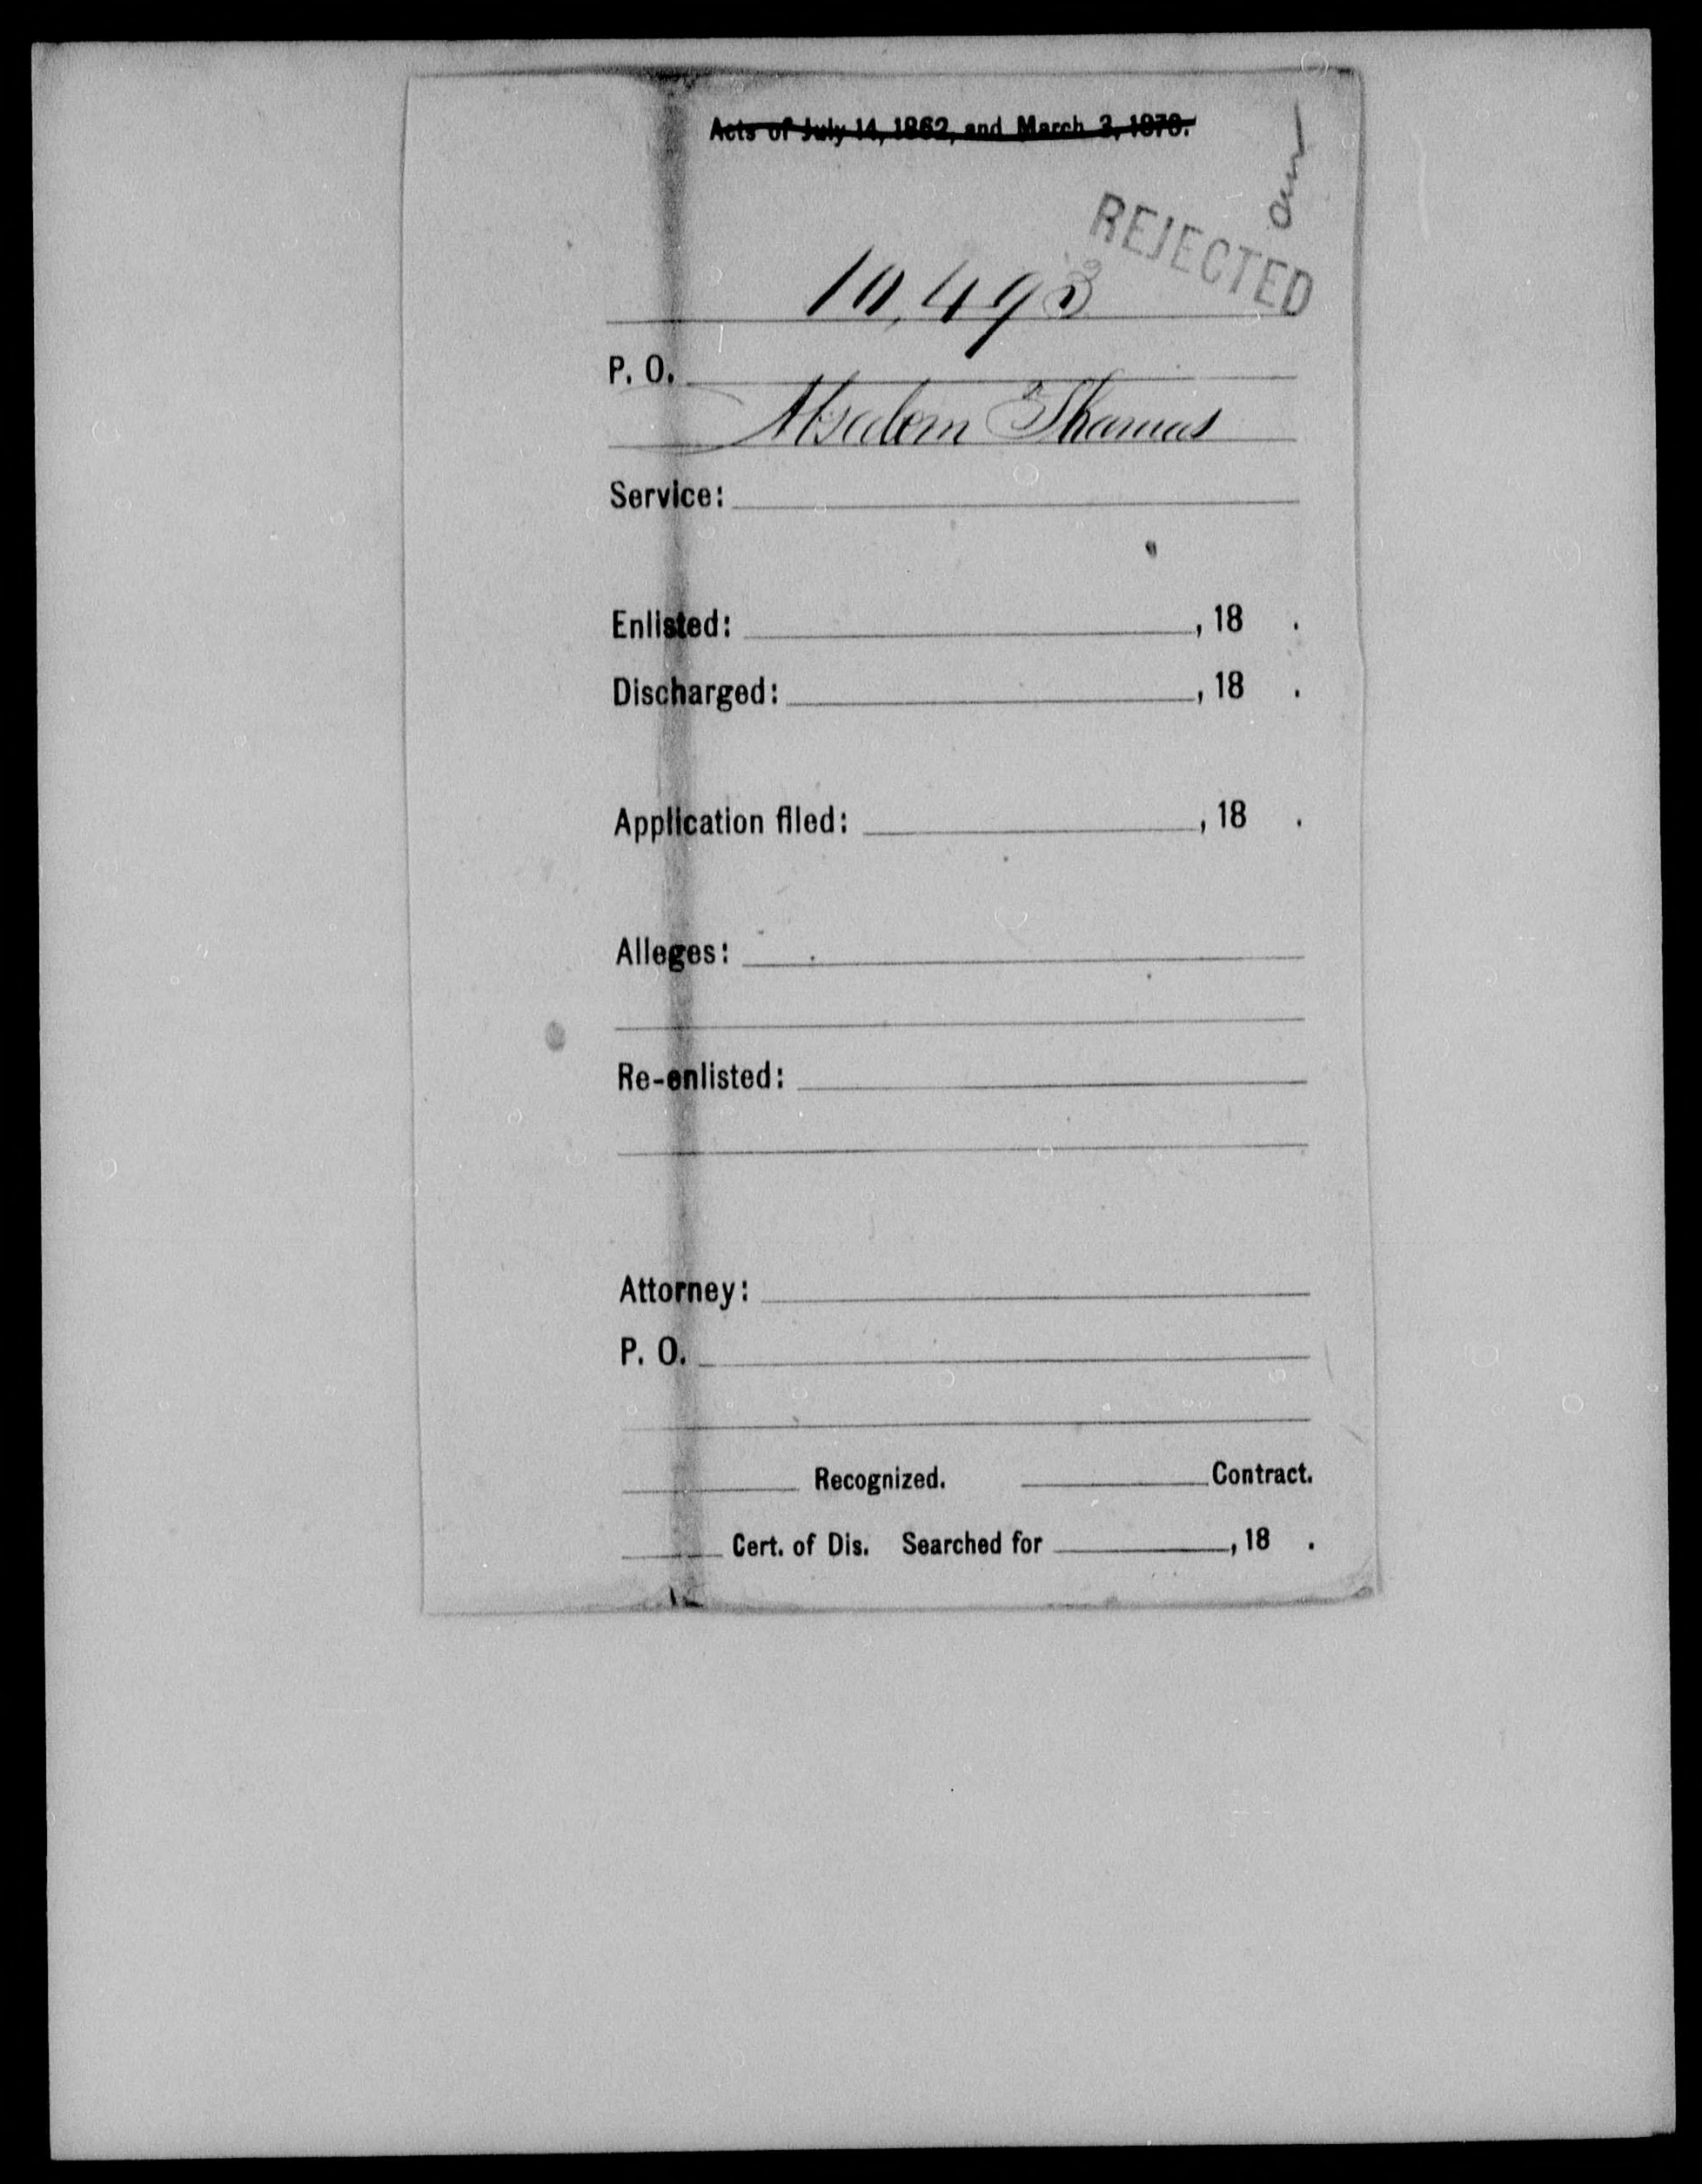Acts of July 14, 1862, and March 3, 1876. [This line is crossed out]
OWN
REJECTED10,493
P. O. 
Absalom Thomas
Service:
Enlisted:  , 18  .
Discharged:  , 18  .
Application filed:  , 18  .
Alleges:  
Re-enlisted:
Attorney:
P. O. 
Recognized.  Contract.
Cert. of Dis.  Searched for  , 18  .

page: 2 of 9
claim: rejected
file: R 10493, for Absalom Thomas, North Carolina